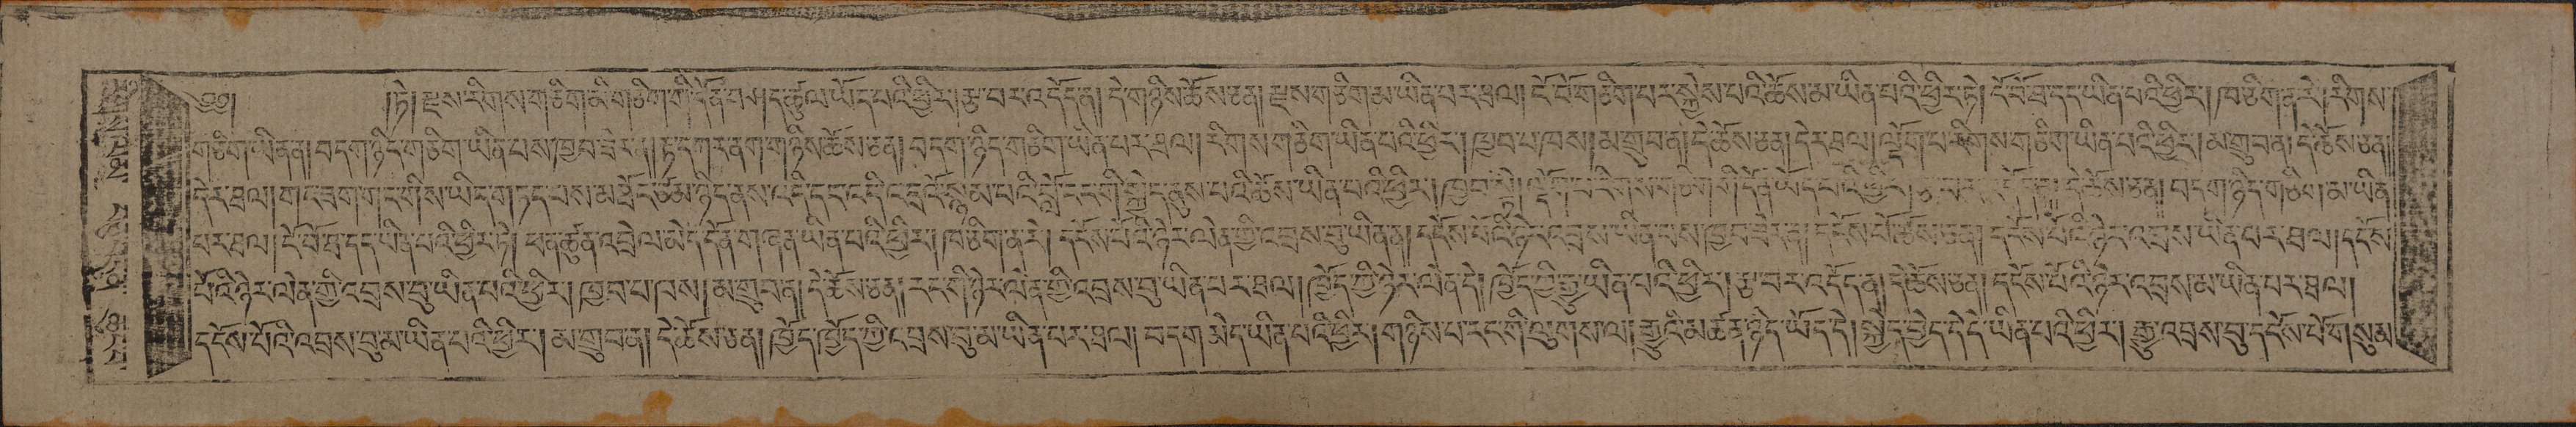༄༅། །ཏེ༑ རྫས་རིགས་གཅིག་མི་གཅིག་གི་དོན་བཤད་ཚུལ་ཡོད་པའི་ཕྱིར། རྩ་བར་འདོད་ན། དེ་གཉིས་ཆོས་ཅན། རྫས་གཅིག་མ་ཡིན་པར་ཐལ། ངོ་བོ་གཅིག་པར་སྐྱེས་པའི་ཆོས་མ་ཡིན་པའི་ཕྱིར་ཏེ། ངོ་བོ་ཐ་དད་ཡིན་པའི་ཕྱིར། ཁ་ཅིག་ན་རེ། རིགས་
གཅིག་ཡིན་ན། བདག་ཉིད་གཅིག་ཡིན་པས་ཁྱབ་ཟེར་ན། རྩ་དཀར་ནག་གཉིས་ཆོས་ཅན། བདག་ཉིད་གཅིག་ཡིན་པར་ཐལ། རིགས་གཅིག་ཡིན་པའི་ཕྱིར། ཁྱབ་པ་ཁས། མ་གྲུབ་ན། དེ་ཆོས་ཅན། དེར་ཐལ། ལྡོག་པ་རིགས་གཅིག་ཡིན་པའི་ཕྱིར། མ་གྲུབ་ན། དེ་ཆོས་ཅན།
དེར་ཐལ། གང་ཟག་གང་གིས་ཡིད་གཏད་པས་མཐོང་ཙམ་ཉིད་ནས་འདི་དང་འདི་འདྲའོ་སྙམ་པའི་བློ་ངང་གི་སྐྱེད་ནུས་པའི་ཆོས་ཡིན་པའི་ཕྱིར། ཁྱབ་སྟེ། ལྡོག་པ་རིགས་གཅིག་གི་དོན་ཡོད་པའི་ཕྱིར། རྩ་བར་འདོད་ན། དེ་ཆོས་ཅན། བདག་ཉིད་གཅིག་མ་ཡིན་
པར་ཐལ། ངོ་བོ་ཐ་དད་ཡིན་པའི་ཕྱིར་ཏེ། ཕན་ཚུན་འབྲེལ་མེད་དོན་གཞན་ཡིན་པའི་ཕྱིར། ཁ་ཅིག་ན་རེ། དངོས་པོའི་ཉེར་ལེན་གྱི་འབྲས་བུ་ཡིན་ན། དངོས་པོའི་ཉེར་འབྲས་ཡིན་པས་ཁྱབ་ཟེར་ན། དངོས་པོ་ཆོས་ཅན། དངོས་པོའི་ཉེར་འབྲས་ཡིན་པར་ཐལ། དངོས་
པོའི་ཉེར་ལེན་གྱི་འབྲས་བུ་ཡིན་པའི་ཕྱིར། ཁྱབ་པ་ཁས། མ་གྲུབ་ན། དེ་ཆོས་ཅན། རང་གི་ཉེར་ལེན་གྱི་འབྲས་བུ་ཡིན་པར་ཐལ། ཁྱོད་ཀྱི་ཉེར་ལེན་དེ། ཁྱོད་ཀྱི་རྒྱུ་ཡིན་པའི་ཕྱིར། རྩ་བར་འདོད་ན། དེ་ཆོས་ཅན། དངོས་པོའི་ཉེར་འབྲས་མ་ཡིན་པར་ཐལ།
དངོས་པོའི་འབྲས་བུ་མ་ཡིན་པའི་ཕྱིར། མ་གྲུབ་ན། དེ་ཆོས་ཅན། ཁྱོད་ཁྱོད་ཀྱི་འབྲས་བུ་མ་ཡིན་པར་ཐལ། བདག་མེད་ཡིན་པའི་ཕྱིར། གཉིས་པ་རང་གི་ལུགས་ལ། རྒྱུའི་མཚན་ཉིད་ཡོད་དེ། སྐྱེད་བྱེད་དེ་དེ་ཡིན་པའི་ཕྱིར། རྒྱུ་འབྲས་བུ་དངོས་པོ་གསུམ་